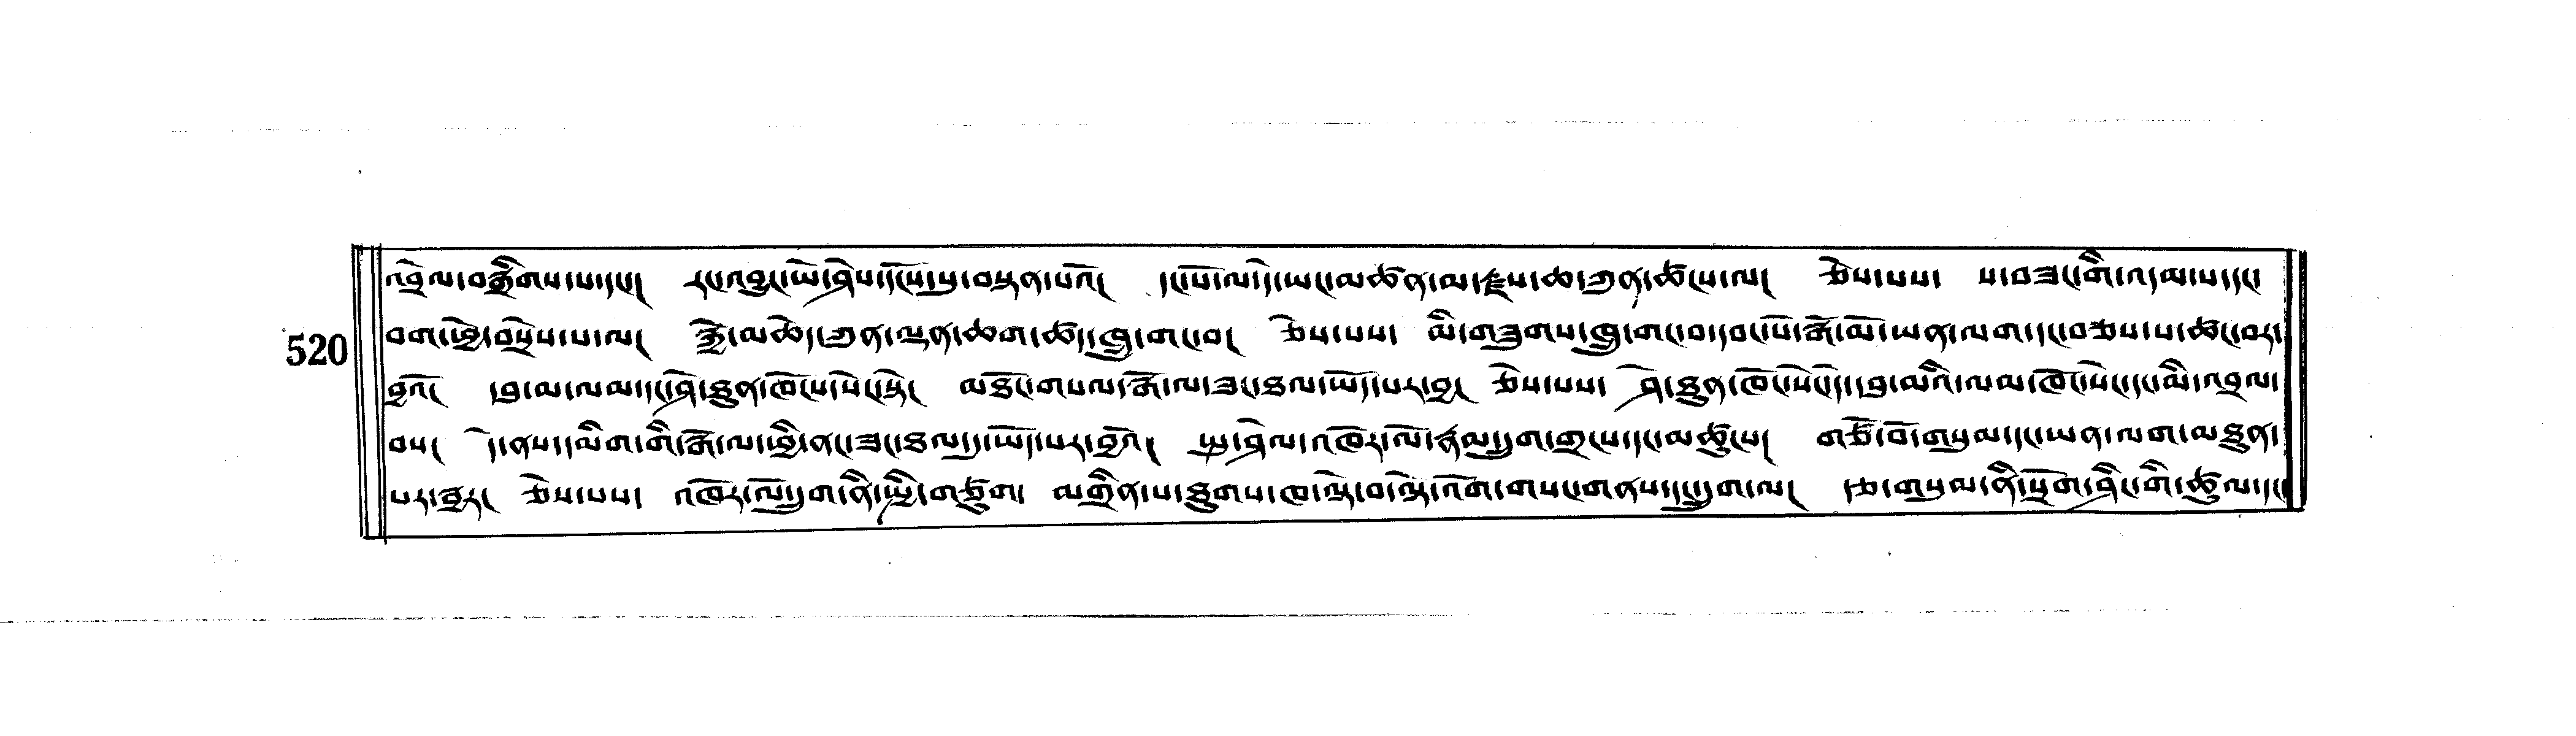འབྲེལ་བསྒྲིག་པ་དང་། རང་འབྱུང་ཡེ་ཤེས་དངོས་སུ་བསྟན་པའོ། དང་པོ་ལ་དེ་ཡང་མཚན་མ་རྫས་ཆ་ཀུན་ཚང་ལ། ཅེས་པས། ས་བཟང་གི་འདམ་པ་དང་། 
བག་ཕྱེ་བསྲེས་པ་ལ། སྐྱེ་མཆེད་ཀུན་ལྡན་ཆག་ཚད་ཁྲུ་གང་བ། ཅེས་པས། མི་གཟུགས་ཁྲུ་གང་བ་དབང་པོ་སྒོ་མོ་ཡན་ལག་དང་བཅས་པ་ཚང་བར་
བྱའོ། དབུ་མ་ལམ་དང་ཤེ་ཐུན་ཁོང་སེང་སྟེ། མཐོང་གསལ་སྒོ་ལ་ཟང་ཐལ་ཡོད་པར་བྱ། ཅེས་པས། ཤེ་ཐུན་ཁོང་སེང་དེ་དབུ་མའི་ལམ་ཁོང་སེང་དང་མི་འབྲལ་
བས། དེ་ནས་མིག་གི་སྒོ་ལ་ཕྱི་ནང་ཟང་ཐལ་དུ་ཡོད་པ་བྱའོ། སྤུ་ཤེལ་འཁོར་ལོ་རྣམ་དྲུག་གྲངས་དང་མཚུངས། གཙོ་བོ་གསུམ་དང་ཡན་ལག་མཐུན་
པར་སྦྱར། ཅེས་པས། འཁོར་ལོ་དྲུག་ནི་སྤྱི་གཙུག མགྲིན་པ་ཐུགས་ཁ་ལྟེ་བ་ལྟེ་འོག་གསང་གནས་དང་དྲུག་ལ། རྩ་གསུམ་ནི་སྲོག་ཤིང་གི་ཚུལ་དང་